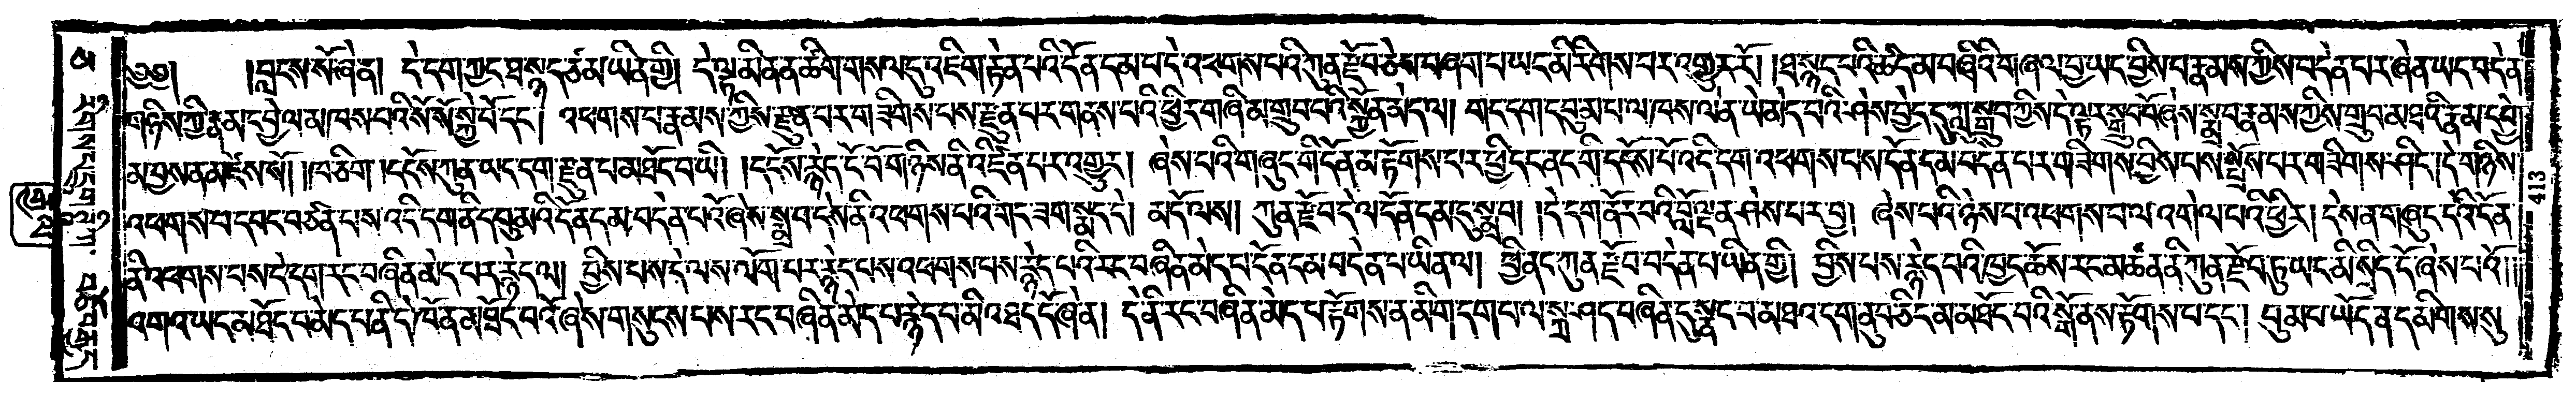༄༅། །བླངས་སོ་ཞེ་ན། དེ་དག་ཀྱང་ཐ་སྙད་ཙམ་ཡིན་གྱི། དེ་ལྟ་མིན་ན་ཚིག་གསལ་དུ་འཇིག་རྟེན་པའི་དོན་དམ་པ་དེ་འཕགས་པའི་ཀུན་རྫོབ་ཅེས་བཞག་པ་ཡང་མི་རིགས་པར་འགྱུར་རོ། །ཐ་སྙད་པའི་ཚད་མ་བཞིའི་གཞལ་བྱ་ཡང་བྱིས་པ་རྣམས་ཀྱིས་བདེན་པར་ཞེན་ཡང་བདེན་
གཉིས་ཀྱི་རྣམ་དབྱེ་ལ་མཁས་པའི་སོ་སོ་སྐྱེ་བོ་དང་། འཕགས་པ་རྣམས་ཀྱིས་རྫུན་པར་གཟིགས་པས་རྫུན་པར་གནས་པའི་ཕྱིར་གཞི་མ་གྲུབ་པའི་སྐྱོན་མེད་ལ། གང་དག་དབུ་མ་པ་ལ་ཁས་ལེན་ཡེ་མེད་པའི་ཤེས་བྱེད་དུ་ཀླུ་སྒྲུབ་ཀྱིས་དེ་ལྟར་སྒྲུབ་བོ་ཞེས་སྨྲ་བ་རྣམས་ཀྱིས་གྲུབ་མཐའི་རྣམ་དབྱེ་
མ་བྱས་ན་མཛེས་སོ། །ཁ་ཅིག །དངོས་ཀུན་ཡང་དག་རྫུན་པ་མཐོང་བ་ཡི། །དངོས་རྙེད་ངོ་བོ་གཉིས་ནི་འཛིན་པར་འགྱུར། ཞེས་པའི་གཞུང་གི་དོན་མ་རྟོགས་པར་ཕྱི་དང་ནང་གི་དངོས་པོ་འདི་དག་འཕགས་པས་དོན་དམ་བདེན་པར་གཟིགས་བྱིས་པས་སྤྲོས་པར་གཟིགས་ཤིང་། དེ་གཉིས་
འཕགས་པ་དབང་བཙན་པས་འདི་དག་ནི་དབུ་མའི་དོན་དམ་བདེན་པའོ་ཞེས་སྨྲ་བ་དེས་ནི་འཕགས་པའི་གང་ཟག་སྨད་དེ། མདོ་ལས། ཀུན་རྫོབ་དེ་ལ་དོན་དམ་དུ་སྨྲ་བ། །དེ་དག་ནོར་བའི་བློ་ལྡན་ཤེས་པར་བྱ། ཞེས་པའི་ཉེས་པ་འཕགས་པ་ལ་འགེལ་བའི་ཕྱིར། དེས་ན་གཞུང་དེའི་དོན་
ནི་འཕགས་པས་དེ་དག་རང་བཞིན་མེད་པར་རྙེད་ལ། བྱིས་པས་དེ་ལས་ལོག་པར་རྙེད་པས་འཕགས་པས་རྙེད་པའི་རང་བཞིན་མེད་པ་དོན་དམ་བདེན་པ་ཡིན་ལ། ཕྱི་ནང་ཀུན་རྫོབ་བདེན་པ་ཡིན་གྱི། བྱིས་པས་རྙེད་པའི་ཁྱད་ཆོས་རང་མཚན་ནི་ཀུན་རྫོབ་ཏུ་ཡང་མི་སྲིད་དོ་ཞེས་པའོ།།
འགའ་ཡང་མཐོང་བ་མེད་པ་ནི་དེ་ཁོ་ན་མཐོང་བའོ་ཞེས་གསུངས་པས་རང་བཞིན་མེད་པ་རྙེད་པ་མི་འཐད་དོ་ཞེ་ན། དེ་ནི་རང་བཞིན་མེད་པ་རྟོགས་ན་མིག་དག་པ་ལ་སྐྲ་ཤད་བཞིན་དུ་སྣང་བ་མཐའ་དག་ནུབ་ཅིང་མ་མཐོང་བའི་སྒོ་ནས་རྟོགས་པ་དང་། བུམ་པ་ཡོད་ན་དམིགས་སུ་